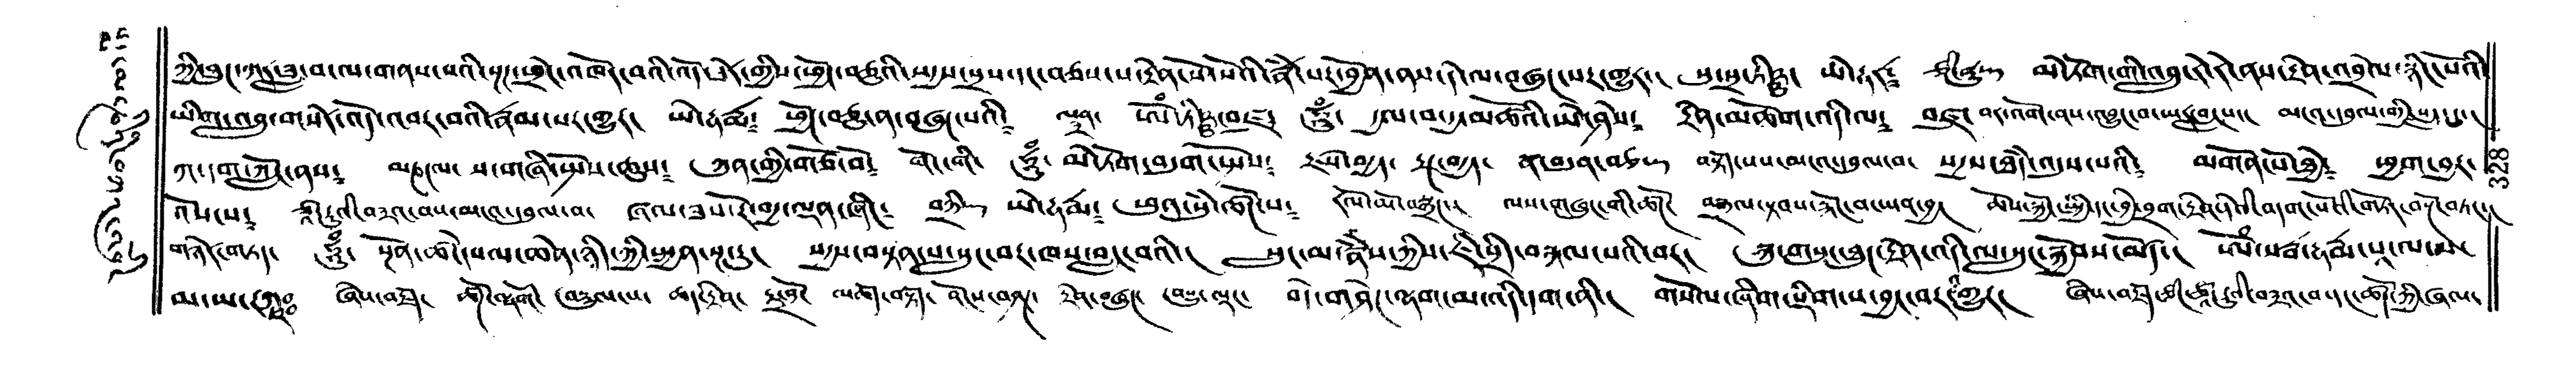༣༢༨༽ཀྱི་ཐུགས་ཀར་ཟླ་བ་ལ་གནས་པའི་སྔགས་ཕྲེང་འཁོར་བའི་འོད་ཟེར་གྱིས་ཕྱོགས་བཅུའི་སངས་རྒྱས་སྲས་དང་བཅས་པ་རྟེན་སོ་སོའི་རྣམ་པར་བྱོན་ནས་དེ་ལ་བཞུགས་པར་གྱུར། སུ་པྲ་ཏིཥྛ༴ ཡེ་དྷར༴ ཅི་ནུས། མེ་ཏོག་གི་འབྲུ་རེ་རེ་ནས་རྟེན་འབྲེལ་སྙིང་པོའི་
ཡིག་འབྲུ་གསེར་འོད་འབར་བའི་རྣམ་པར་གྱུར། ཡེ་དྷརྨ༴ ཕྱོགས་བཅུ་ན་བཞུགས་པའི༴ ལན་གསུམ། ཨོཾ་ཏིཥྛ་བཛྲ༴ ཧཱུྃ། རྒྱལ་བ་རྒྱ་མཚོའི་ཡེ་ཤེས༴རྟེན་མཆོག་འདི་ལ༴ བཛྲ་བར་འོག་ནས་འབྱུང་བ་ཡར་བླང་། མངའ་དབུལ་གྱི་སླད་དུ། 
ཀ་དག་ཀློག་ནས༴ མཎྜལ། ས་གཞི་སྤོས་ཆུས༴ ཀུན་གྱི་གཙོ་བོ༴ གོང་གི ཧཱུྃ། མེ་ཏོག་བདུག་སྤོས༴ རྫས་བརྒྱད། སྣ་བདུན་བཅས། བསྟོད་པས་མངའ་དབུལ་བ། སངས་རྒྱས་ཐམས་ཅད་འདུས་པའི༴ མགོན་པོ་ཐུགས་རྗེ༴ ཕྱག་བྱར་
འོས་པ༴ ཙཱ་རུའི་བཟའ་བས་མངའ་དབུལ་བ། ཞལ་ཟས་རོ་བརྒྱ་ལྡན་ཞིང༴ བཀྲ་ཤིས། ཡེ་དྷརྨ༴ ཕུན་སུམ་ཚོགས་པ༴ རོལ་མོ་བསྒྲག ལས་གཞུང་གི་ཚོགས། བསྒྲལ་བསྟབ་སྐོང་བ་ཡན་བྱ། ཆོས་སྐྱོང་སྤྱི་དང་བྱེ་བྲག་རྟེན་དེའི་བདག་པོའི་གཏོར་བསྔོ་གཏང་། 
གཉེར་གཏད། ཧཱུྃ། སྔོན་ཚེ་དཔལ་ཆེན་ཉིད་ཀྱི་སྤྱན་སྔ་རུ། །སངས་རྒྱས་བསྟན་སྲུང་བར་ཁས་བླངས་བའི། །སྲུང་མ་རྣམས་ཀྱིས་ཇི་སྲིད་བསྐལ་པའི་བར། །སྐུ་གསུང་ཐུགས་རྟེན་འདི་ལ་སྲུང་སྐྱོབ་མཛོད། །ཨོཾ་སརྦ་དྷརྨ་པཱ་ལ་ས་
མ་ཡ་རཀྵཿ ཞེས་བརྗོད། ཚོགས་ལྷག བསྐུལ་པ། ཆད་བརྟན། རྟ་བྲོ། མཆོད་བསྟོད། ནོངས་བཤགས། རྟེན་བཞུགས། བསྡུ་ལྡང་། བདེ་གཤེགས་ལྷག་མ་འདི་དག་ནི། །གསོལ་ཞིག་སྡིག་པ་བྱང་བར་འགྱུར། །ཞེས་བརྗོད་ཅིང་ཙཱ་རུའི་བཟའ་བ་དང་ཚོགས་ཀྱི་ཞལ་